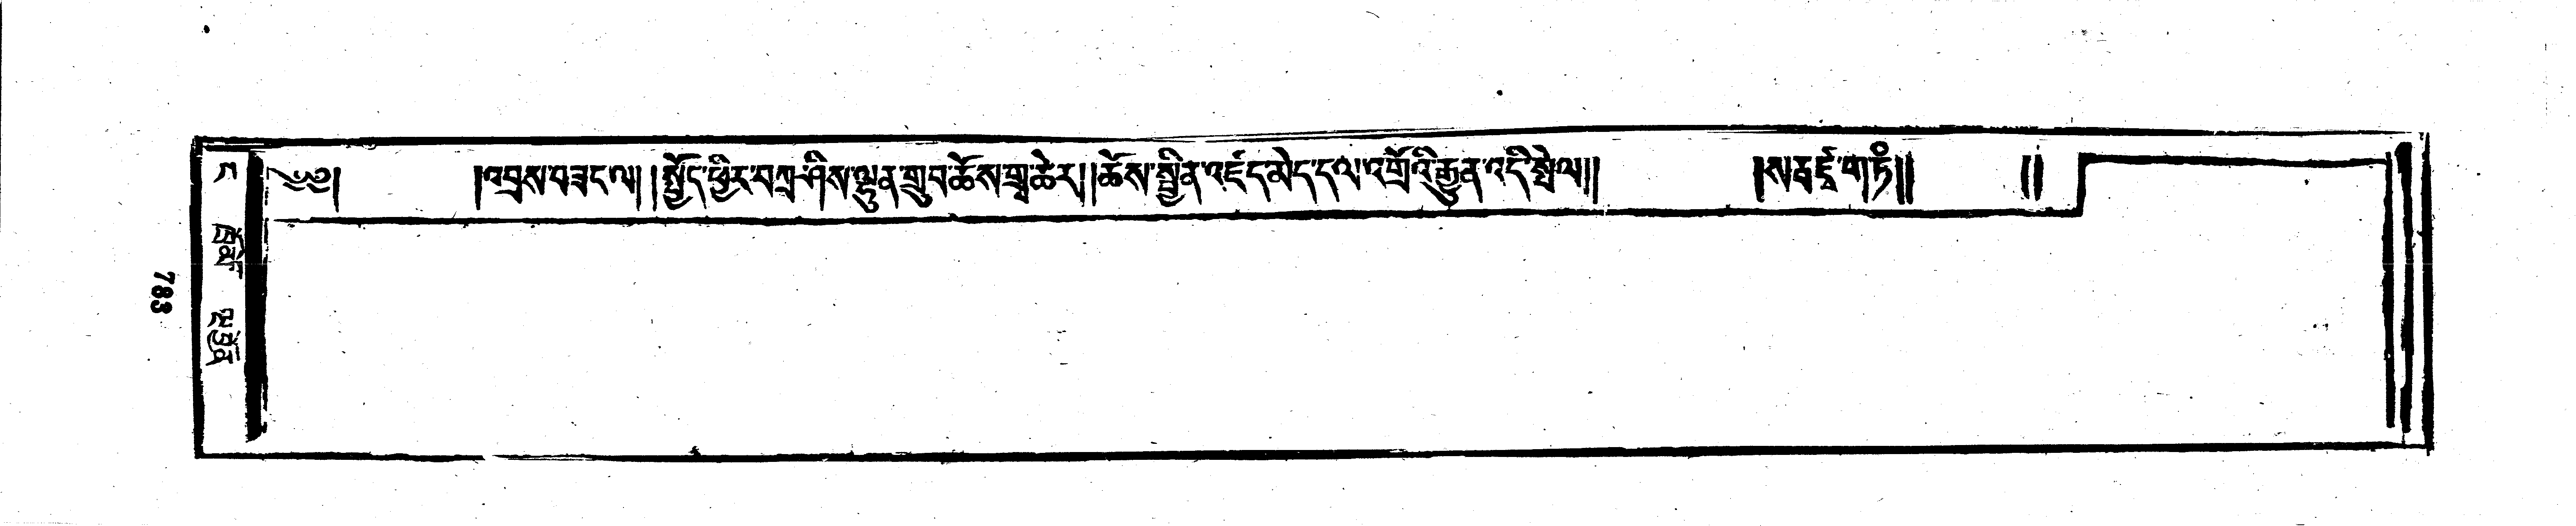༄༅། །འབྲས་བཟང་ལ། །སྤྱོད་ཕྱིར་བཀྲ་ཤིས་ལྷུན་གྲུབ་ཆོས་གྲྭ་ཆེར། །ཆོས་སྦྱིན་འཛད་མེད་དལ་འགྲོའི་རྒྱུན་འདི་སྤེལ།། །།སརྦ་ཛ་ག་ཏཾ།། །